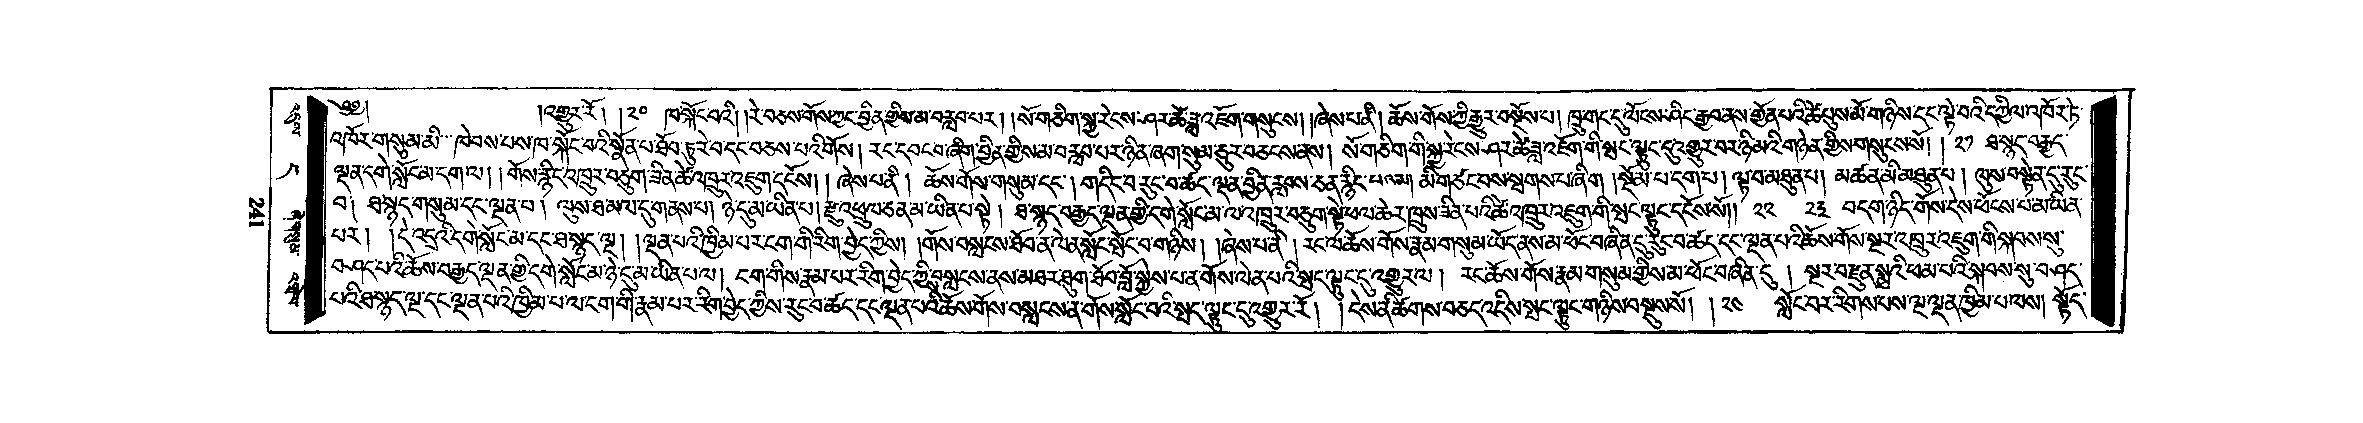༄༅། །འགྱུར་རོ། །ཁ་སྐོང་བའི། །རེ་བཅས་གོས་ཀྱང་བྱིན་གྱིས་མ་བརླབ་པར། །སོ་གཅིག་སྐྱ་རེངས་ཤར་ཚེ་ཟླ་འཇོག་གསུངས། །ཞེས་པ་ནི། ཆོས་གོས་ཀྱི་རྒྱུར་བསྡོས་པ། ཁྲུ་གང་དུ་ལོངས་ཤིང་རྒྱབ་ནས་གྱོན་པའི་ཚེ་པུས་མོ་གཉིས་དང་ལྟེ་བའི་དཀྱིལ་འཁོར་ཏེ་
འཁོར་གསུམ་མི་ཁེབས་པས་ཁ་སྐོང་བའི་སྣོན་པ་ཐོབ་ཏུ་རེ་བ་དང་བཅས་པའི་གོས། རང་དབང་བ་ཞིག་བྱིན་གྱིས་མ་བརླབ་པར་ཉིན་ཞག་སུམ་ཅུར་བཅངས་ནས། སོ་གཅིག་གི་སྐྱ་རེངས་ཤར་ཚེ་ཟླ་འཇོག་གི་སྤང་ལྟུང་དུ་འགྱུར་བར་ཉི་མའི་གཉེན་གྱིས་གསུངས་སོ། །ཐ་སྙད་བརྒྱད་
ལྡན་དགེ་སློང་མ་དག་ལ། །གོས་རྙིང་འཁྲུར་བཅུག་ཟིན་ཚེ་འཁྲུར་འཇུག་དངོས། །ཞེས་པ་ནི། ཆོས་གོས་གསུམ་དང་། གདིང་བ་རུང་བ་ཚད་ལྡན་བྱིན་རླབས་ཅན་རྙིང་པའམ། མི་གཙང་བས་སྦགས་པ་ཞིག །སྡོམ་པ་དག་པ། ལྟ་བ་མཐུན་པ། མཚན་མི་མཐུན་པ། ལུས་བསྟེན་དུ་རུང་
བ། ཐ་སྙད་གསུམ་དང་ལྡན་པ། ལུས་ཐ་མལ་དུ་གནས་པ། ཉེ་དུ་མ་ཡིན་པ། རྫུ་འཕྲུལ་ཅན་མ་ཡིན་པ་སྟེ། ཐ་སྙད་བརྒྱད་ལྡན་གྱི་དགེ་སློང་མ་ལ་འཁྲུར་བཅུག་སྟེ་ཕལ་ཆེར་ཁྲུས་ཟིན་པའི་ཚེ་འཁྲུར་འཇུག་གི་སྤང་ལྟུང་དངོས་སོ། །བདག་ཉིད་གོས་དེས་ཕོངས་པ་མ་ཡིན་
པར། །དེ་འདྲའི་དགེ་སློང་མ་དང་ཐ་སྙད་ལྔ། །ལྡན་པའི་ཁྱིམ་པར་ངག་གི་རིག་བྱེད་ཀྱིས། །གོས་བསླངས་ཐོབ་ན་ལེན་སློང་སྤོང་བ་གཉིས། །ཞེས་པ་ནི། རང་ལ་ཆོས་གོས་རྣམ་གསུམ་ཡོད་ནས་མ་ཕོང་བཞིན་དུ་རུང་བ་ཚད་དང་ལྡན་པའི་ཆོས་གོས་སྔར་འཁྲུར་འཇུག་གི་སྐབས་སུ་
བཤད་པའི་ཆོས་བརྒྱད་ལྡན་གྱི་དགེ་སློང་མ་ཉེ་དུ་མ་ཡིན་པ་ལ། ངག་གིས་རྣམ་པར་རིག་བྱེད་ཀྱིས་བསླངས་ནས་མཐར་ཐུག་ཐོབ་བློ་སྐྱེས་པ་ན་གོས་ལེན་པའི་སྤང་ལྟུང་དུ་འགྱུར་ལ། རང་ཆོས་གོས་རྣམ་གསུམ་གྱིས་མ་ཕོང་བཞིན་དུ། སྔར་བརྫུན་སྨྲའི་ཕམ་པའི་སྐབས་སུ་བཤད་
པའི་ཐ་སྙད་ལྔ་དང་ལྡན་པའི་ཁྱིམ་པ་ལ་ངག་གི་རྣམ་པར་རིག་བྱེད་ཀྱིས་རུང་བ་ཚད་དང་ལྡན་པའི་ཆོས་གོས་བསླངས་ན་གོས་སློང་བའི་སྤང་ལྟུང་དུ་འགྱུར་རོ། །དེས་ནི་ཚིགས་བཅད་འདིས་སྤང་ལྟུང་གཉིས་བསྡུས་སོ། །སློང་བར་རིགས་པས་ལྔ་ལྡན་ཁྱིམ་པ་ལས། སྟོད་